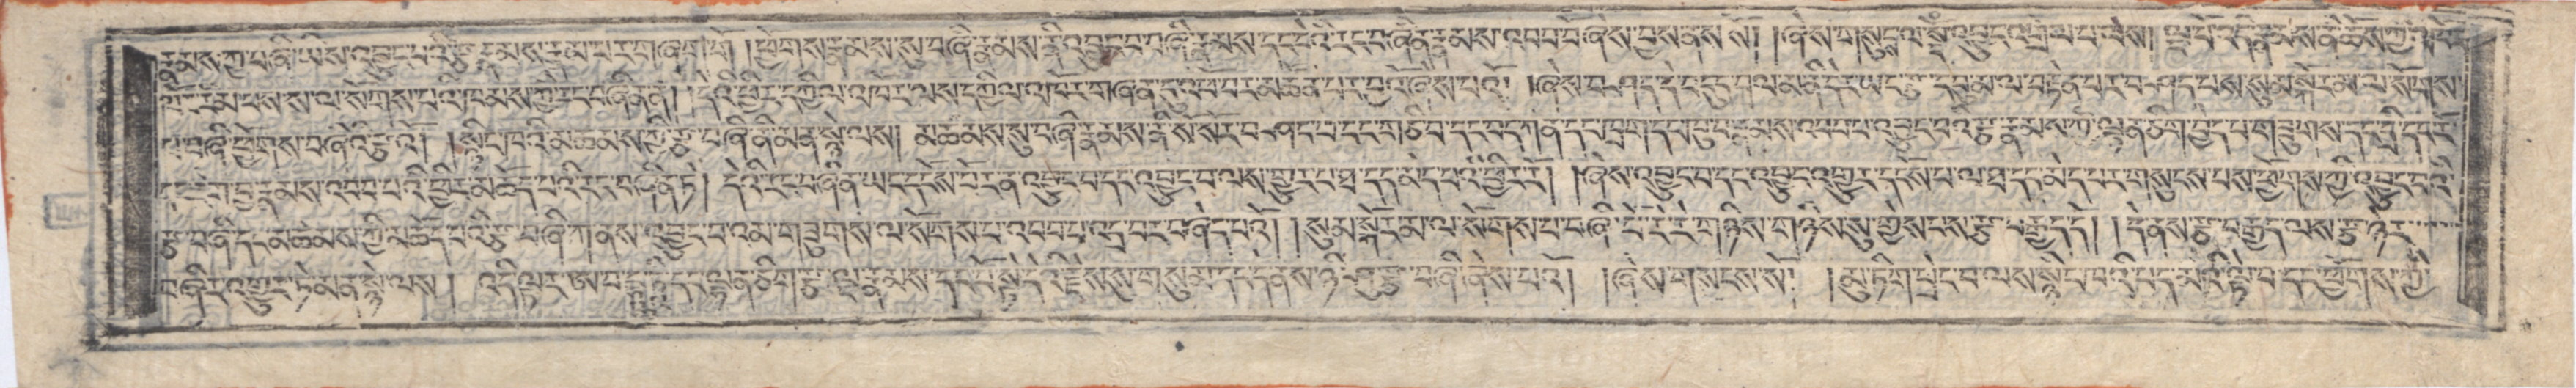རྣམས་ཀྱི་བཞི་ཡིས་འབྱུང་བའི་རྩ་རྣམས་རྣམ་པར་གཞག་གོ །ཕྱོགས་རྣམས་སུ་བཞི་རྣམས་ནི་འབྱུང་བ་བཞི་རྣམས་དང་དེའི་རང་བཞིན་རྣམས་འབབ་བོ་ཞེས་བྱས་ནས་སོ། །ཞེས་གསུངས་ལ་སྡོམ་འབྱུང་འགྲེལ་པ་ལས། ལྔ་པོ་འདི་རྣམས་ནི་ཆོས་ཀྱི་འཁོར་
ལོར་རིམ་པས་ས་ལ་སོགས་པའི་ཁམས་ཀྱི་རང་བཞིན་ནི། །དེའི་ཕྱིར་དཀྱིལ་འཁོར་ལས་དཀྱིལ་འཁོར་གཞན་དུ་འཕོ་བར་མཚོན་པར་བྱའོ་ཞེས་པའོ། །ཞེས་བཤད་དེ་བདུད་བྲལ་མ་ནི་དེར་ཡང་རྩ་དབུ་མ་ལ་བརྟེན་པར་བཤད་པས་སུམ་སྐོར་མ་ལ་སོགས་
པ་བཞི་ཕྱོགས་བཞིའི་རྩའོ། །སྙིང་ཁའི་མཚམས་ཀྱི་རྩ་བཞི་ནི་མན་སྙེ་ལས། མཚམས་སུ་བཞི་རྣམས་ནི་སོ་སོར་བཤད་པ་དང་གཅི་བ་དང་བད་ཀན་དང་ཁྲག་དང་ཁུ་བ་རྣམས་འབབ་པ་འབྱུང་བའི་རྩ་རྣམས་ཀྱི་ལྷན་ཅིག་བྱེད་པ་གཟུགས་དང་དྲི་དང་རོ་
དང་རེག་བྱ་རྣམས་འབབ་པའི་ཕྱིར་མཆོད་པའི་རང་བཞིན་ཏེ། དེའི་རང་བཞིན་ཡང་དངོས་པོར་ན་འབྱུང་བ་དང་འབྱུང་བ་ལས་གྱུར་པ་ཐ་དད་མེད་པའི་ཕྱིར་རོ། །ཞེས་འབྱུང་བ་དང་འབྱུང་འགྱུར་དངོས་པོ་ལ་ཐ་དད་མེད་པར་གསུངས་པས་ཕྱོགས་ཀྱི་འབྱུང་བའི་
རྩ་བཞི་དང་མཚམས་ཀྱི་མཆོད་པའི་རྩ་བཞི་ཀ་ནས་འབྱུང་བ་འམ་གཟུགས་ལ་སོགས་པ་འབབ་པ་འདྲ་བར་བཞེད་པའོ། །སུམ་སྐོར་མ་ལ་སོགས་པ་བཞི་པོ་རེ་རེ་གཉིས་གཉིས་སུ་གྱེས་པས་རྩ་བརྒྱད་དོ། །དེ་ནས་རྩ་བརྒྱད་ལས་རྩ་ཉེར་
བཞིར་འགྱུར་ཏེ་མན་སྙེ་ལས། འདི་ལྟར་ཨ་བ་དྷཱུ་ཏཱི་དང་ལྷན་ཅིག་རྩ་ལྔ་རྣམས་དང་པོ་སྟེ་དེའི་རྗེས་སུ་གསུམ་དང་དེ་ནས་ཉི་ཤུ་རྩ་བཞི་ཞེས་པའོ། །ཞེས་གསུངས་སོ། །མུ་ཏིག་ཕྲེང་བ་ལས་སྙིང་ཁའི་པད་མའི་ལྟེ་བ་དང་ཕྱོགས་ཀྱི་